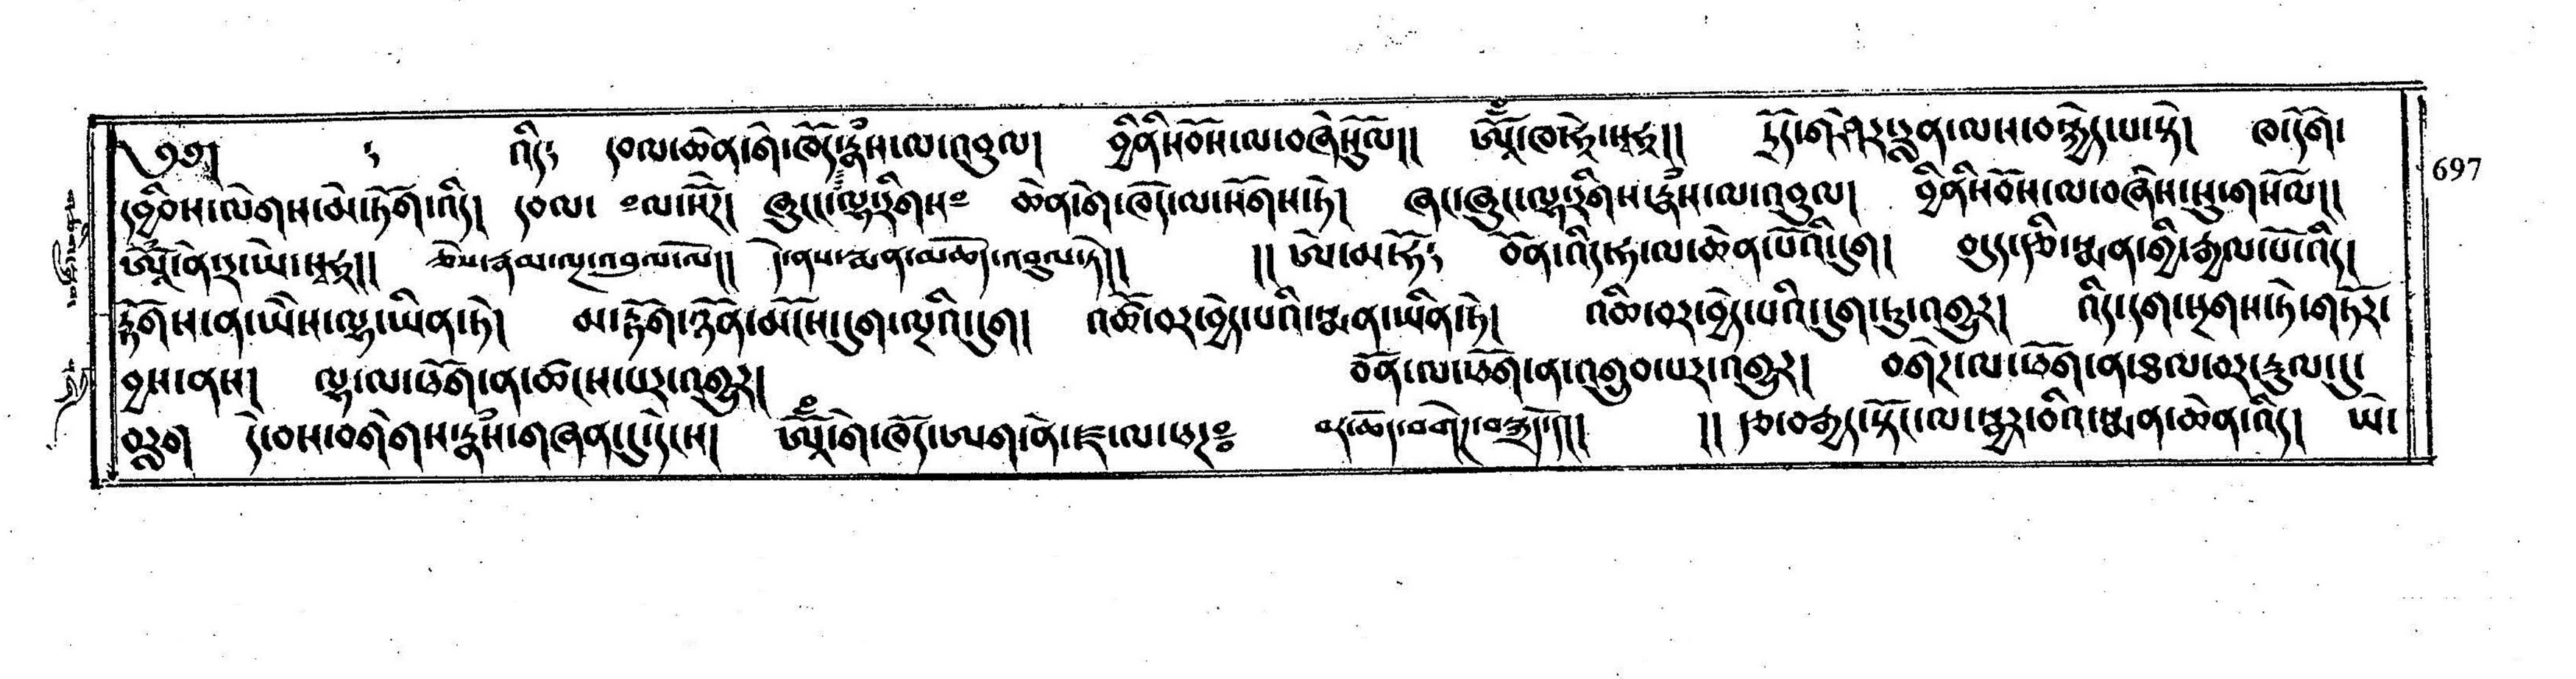འདི། དབལ་ཆེན་གེ་ཁོད་ལ་སོགས་ཏེ། ཞང་ཞུང་ལྷ་རིགས་རྣམས་ལ་འབུལ། བྱིན་གྱིས་རློབས་ལ་བཞེས་སུ་གསོལ།། ཨཱོཾ་ཁ་ཧཱེ་སྭཧཱ།། དྲོད་གཤེར་རླན་ལས་བསྐྱེད་པ་སྟེ། ཁ་དོག་
དབྱིབས་ལེགས་མེ་ཏོག་འདི། དབལ་ཆེན་གེ་ཁོད་ལ་སོགས་ཏེ། ཞང་ཞུང་ལྷ་རིགས་རྣམས་ལ་འབུལ། བྱིན་གྱིས་རློབས་ལ་བཞེས་སུ་གསོལ།། 
ཨཱོཾ་ནེ་ར་ཡེ་སྭཧཱ།། ཅེས་རྣམ་ལྔ་འབུལ་ལོ།། དེ་ནས་སྨན་མཆོད་འབུལ་ཏེ།། །།ཨེ་མ་ཧོ བོན་འདི་ཧ་ལ་ཆེན་པོའི་དུག བདུད་རྩི་སྨན་གྱི་རྒྱལ་པོ་འདི། 
རྟོགས་ན་ཡེ་ཤེས་ལྷ་ཡིན་ཏེ། མ་རྟོགས་ཉོན་མོངས་དུག་ལྔའི་དུག འཚོ་བར་བྱེད་པའི་སྨན་ཡིན་ཏེ། འཆི་བར་བྱེད་པའི་དུག་ཏུ་འགྱུར། འདི་དག་སྔགས་ཏེ་གཏོར་
བྱས་ནས། ལྷ་ལ་ཕོག་ན་ཚངས་པར་འགྱུར། བོན་ལ་ཕོག་ན་འགྲུབ་པར་འགྱུར། བགེགས་ལ་ཕོག་ན་ཐལ་བར་རྡུལ་དུ་
བརླག དེ་བས་བགེགས་རྣམས་གཞན་དུ་དེངས། ཨཱོཾ་གེ་ཁོད་ཨག་ནེ་ཛ་ལ་ཕཊ༔ བར་ཆོད་བགེགས་བསྐྲད་དོ།། །།རྩ་བརྒྱད་སྟོང་ལ་སྦྱར་བའི་སྨན་ཆེན་འདི། ཡེ་